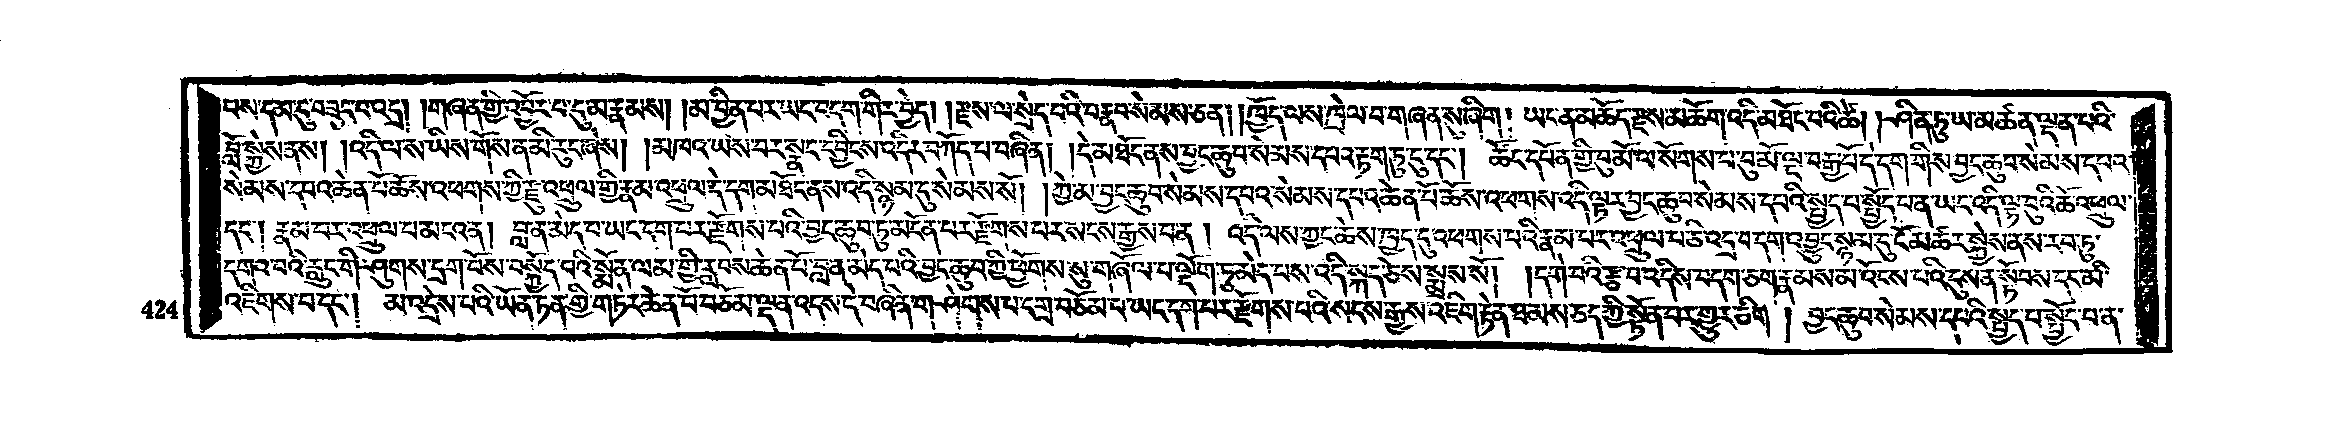པས་དམ་དུ་བཟུང་བ་འདྲ། །གཞན་གྱི་འབྱོར་པ་དུ་མ་རྣམས། །མ་བྱིན་པར་ཡང་བདག་གིར་བྱེད། །རྫས་ལ་སྲེད་པའི་བརྣབ་སེམས་ཅན། །ཁྱོད་ལས་ཁྲེལ་བ་གཞན་སུ་ཞིག། ཡང་ན་མཆོད་རྫས་མཆོག་འདི་མཐོང་བའི་ཚེ། །ཤིན་ཏུ་ཡ་མཚན་ལྡན་པའི་
བློ་སྐྱེས་ནས། །འདི་ལ་ས་ཡིས་གོས་ན་མི་རུང་ཞེས། །མཁའ་ཡིས་བར་སྣང་དབྱིངས་འདིར་བཀོད་པ་བཞིན། །དེ་མཐོང་ནས་བྱང་ཆུབ་སེམས་དཔའ་རྟག་ཏུ་ངུ་དང་། ཚོང་དཔོན་གྱི་བུ་མོ་ལ་སོགས་པ་བུ་མོ་ལྔ་བརྒྱ་པོ་དེ་དག་གིས་བྱང་ཆུབ་སེམས་དཔའ་
སེམས་དཔའ་ཆེན་པོ་ཆོས་འཕགས་ཀྱི་རྫུ་འཕྲུལ་གྱི་རྣམ་འཕྲུལ་དེ་དག་མཐོང་ནས་འདི་སྙམ་དུ་སེམས་སོ། །ཀྱེ་མ་བྱང་ཆུབ་སེམས་དཔའ་སེམས་དཔའ་ཆེན་པོ་ཆོས་འཕགས་འདི་ལྟར་བྱང་ཆུབ་སེམས་དཔའི་སྤྱད་པ་སྤྱོད་པ་ན་ཡང་འདི་ལྟ་བུའི་ཆོ་འཕྲུལ་
དང་། རྣམ་པར་འཕྲུལ་པ་མངའ་ན། བླ་ན་མེད་པ་ཡང་དག་པར་རྫོགས་པའི་བྱང་ཆུབ་ཏུ་མངོན་པར་རྫོགས་པར་སངས་རྒྱས་པ་ན། འདི་ལས་ཀྱང་ཆེས་ཁྱད་དུ་འཕགས་པའི་རྣམ་པར་འཕྲུལ་པ་ཅི་འདྲ་བ་དག་འབྱུང་སྙམ་དུ་ངོ་མཚར་སྐྱེས་ནས་རབ་ཏུ་
དགའ་བའི་རླུང་གི་ཤུགས་དྲག་པོས་བསྐྱོད་པའི་སྨོན་ལམ་གྱི་རླབས་ཆེན་པོ་བླ་ན་མེད་པའི་བྱང་ཆུབ་ཀྱི་ཕྱོགས་སུ་གཞོལ་པ་ལྡོག་ཏུ་མེད་པས་འདི་སྐད་ཅེས་སྨྲས་སོ། །དགེ་བའི་རྩ་བ་འདིས་བདག་ཅག་རྣམས་མ་འོངས་པའི་དུས་ན་སྟོབས་དང་མི་
འཇིགས་པ་དང་། མ་འདྲེས་པའི་ཡོན་ཏན་གྱི་གཏེར་ཆེན་པོ་བཅོམ་ལྡན་འདས་དེ་བཞིན་གཤེགས་པ་དགྲ་བཅོམ་པ་ཡང་དག་པར་རྫོགས་པའི་སངས་རྒྱས་འཇིག་རྟེན་ཐམས་ཅད་ཀྱི་སྟོན་པར་གྱུར་ཅིག །བྱང་ཆུབ་སེམས་དཔའི་སྤྱད་པ་སྤྱོད་པ་ན་